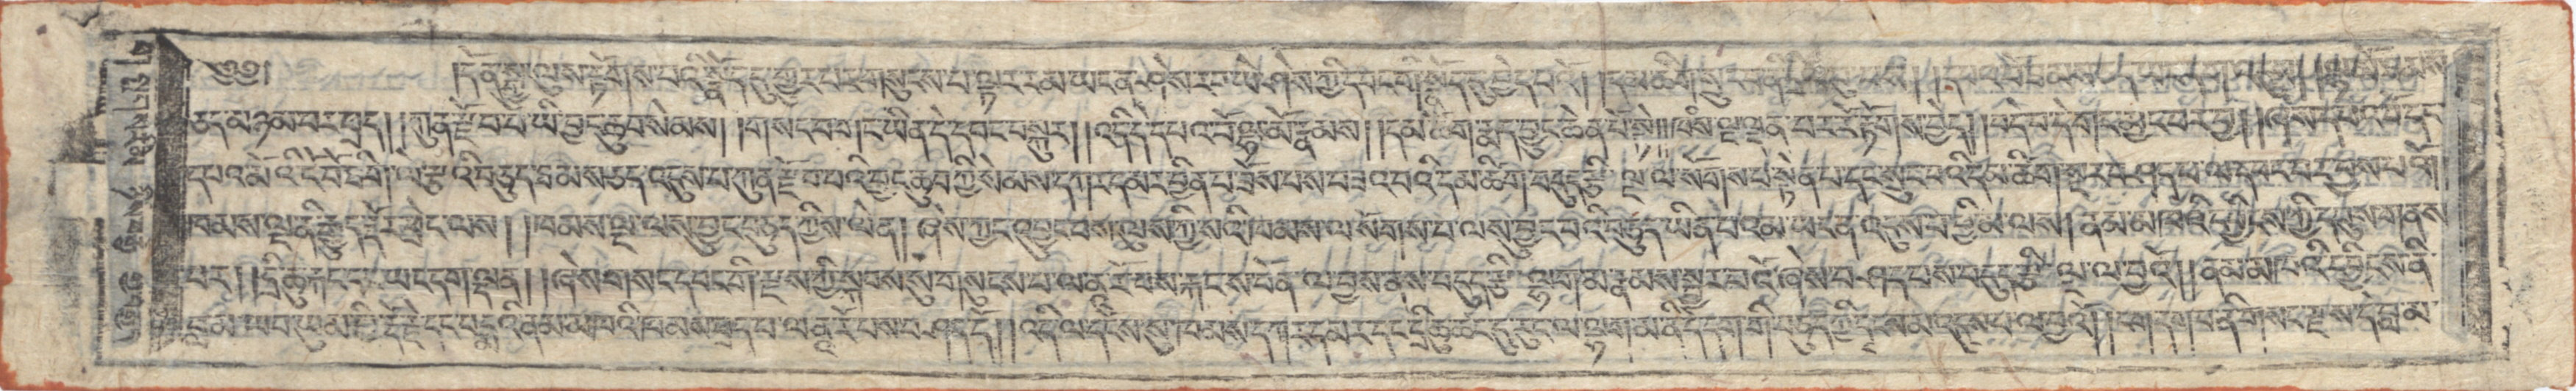༄༅། །དོན་སྒྱུ་ལུས་རྟོགས་པའི་སྣོད་དུ་གྱུར་པར་གསུངས་པ་ལྟར་རམ་ཡང་ན་ཤེས་རབ་ཡེ་ཤེས་ཀྱི་དབང་གི་སྣོད་དུ་བྱེད་པའོ། །དམ་ཚིག་སྲུང་བ་ནི་དྲིལ་བུ་པས། །དཔའ་བོ་ཐམས་ཅད་ཡང་དག་འདུས། །ལྷ་མོ་ཐམས་
ཅད་མཉམ་པར་ཕྲད། །ཀུན་རྫོབ་པ་ཡི་བྱང་ཆུབ་སེམས། །གསང་བ་གང་ཡིན་དེ་དབང་བསྐུར། །འདི་དེ་དཔའ་བོ་ལྷ་མོ་རྣམས། །དམ་ཚིག་རྨད་བྱུང་ཆེན་པོ་སྟེ། །ཁམས་ལྔ་ལྡན་པར་རོ་རྟོགས་བྱེད། །བདེ་བ་དེ་གང་མྱང་བར་བྱ། །ཞེས་དཔའ་བོ་དང་
དཔའ་མོའི་ངོ་བོ་ཐིག་ལེ་རྩའི་བཅུད་ཐམས་ཅད་འདུས་པ་ཀུན་རྫོབ་པའི་བྱང་ཆུབ་ཀྱི་སེམས་དཀར་དམར་བྱིན་པ་ཟོས་པས་བཟའ་བའི་དམ་ཚིག་བདུད་རྩི་ལྔ་ལ་སོགས་པ་སྟེན་པ་དང་སྲུང་བའི་དམ་ཚིག་སྔར་བཤད་པ་ལ་དབང་བར་བྱས་པའོ། །
ཁམས་ལྔ་ནི་རྒྱུད་རྡོར་ཕྲེང་ལས། །ཁམས་ལྔ་ལས་བྱུང་བཅུད་ཀྱིས་ལེན། ཞེས་ཀྱང་འབྱུང་བས་ལུས་ཀྱི་སའི་ཁམས་ལ་སོགས་པ་ལས་བྱུང་བའི་བཅུད་ཡིན་པའམ་ཡང་ན་འདུས་པ་ཕྱི་མ་ལས། ནམ་མཁའི་དབྱིངས་ཀྱི་དབུས་གནས་
པར། །དྲི་ཆུ་རྐང་དང་ཡང་དག་ལྡན། །ཞེས་གསང་དབང་གི་རྫས་ཀྱི་སྐབས་སུ་གསུངས་པ་ལ་ནཱ་རོ་པས་རྐང་ས་བོན་ལ་བྱས་ནས་བདུད་རྩི་ལྷག་མ་རྣམས་སྦྱར་བའོ་ཞེས་བཤད་པས་བདུད་རྩི་ལྔ་ལ་བྱའོ། །ནམ་མཁའི་དབྱིངས་ནི་
བླ་མ་ཡབ་ཡུམ་གྱི་རྡོ་རྗེ་དང་པདམའི་ནམ་མཁའི་ཁམས་ཕྲད་པ་ལ་ནཱ་རོ་པས་བཤད་དོ། །འདི་ལ་དངོས་སུ་ཁམས་དཀར་དམར་དང་དྲི་ཆུ་ཚང་དུ་རུང་ལ་ལྷག་མ་ནི་དེ་དག་གི་བཅུད་ཀྱི་དྭངས་མ་འདུས་པ་ལ་བྱའོ། །ངག་དག་པ་ནི་གསང་རྫས་དེ་བླ་མ་